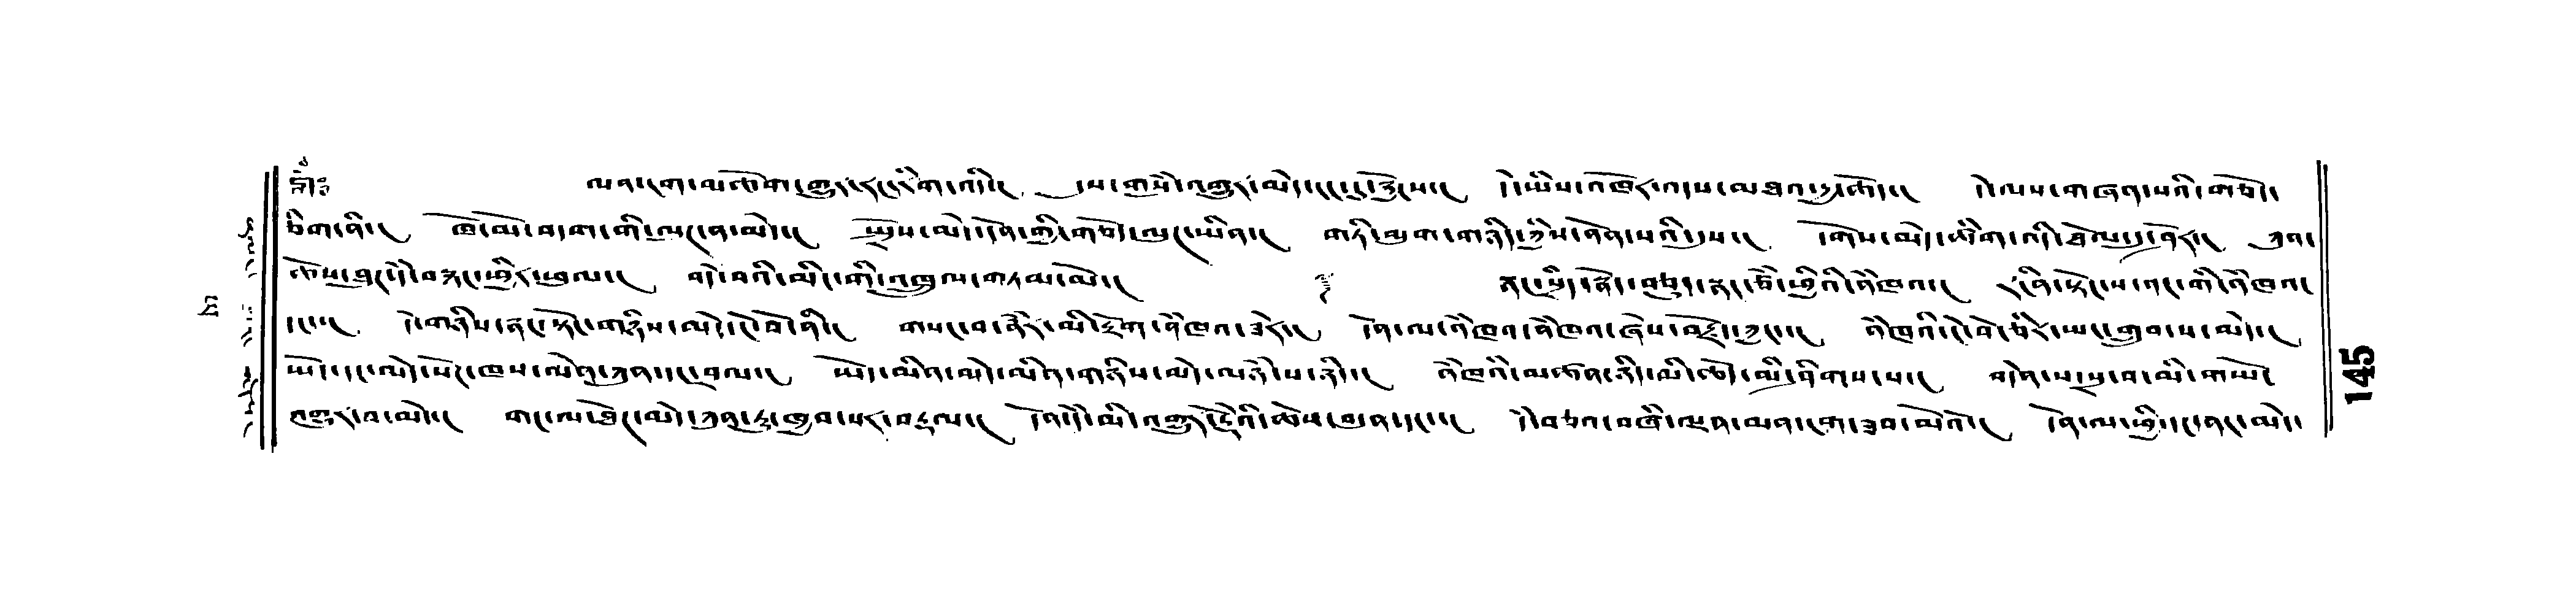།མན་ངག་མཆོག་གྱུར་རང་རིག་འདི། །དུས་གསུམ་འགྱུར་མེད་ངང་དུ་སྐྱོངས། །དེ་ཡིས་འཁོར་འདས་མཐའ་རྒྱ་ཆོད། །དེ་ལས་གཞན་པའི་གཅོད་
ཅིག་ནི། ཁོ་མོ་བདག་གི་ལུགས་ན་མེད། །སྤྲོས་མེད་དོན་གྱི་གཅོད་ལུགས་ཡིན། །གཏི་མུག་གཉིད་ཀྱིས་ནོན་པའི་དུས། །དགོས་མེད་ཚིག་འདི་ཐོལ་དུ་ཤོར། །ཀུན་
ཆོས་ཐུགས་དམ་བསྐང་ཕྱིར་ཕུལ། །བདེ་བའི་མིང་གི་འཁྲུལ་གཏམ་མོ།། ༈ སྣང་སྲིད་སྣོད་བཅུད་སྣང་ཙམ་ཕྱིའི་ནམ་མཁའ། །རང་བཞིན་སྟོང་པ་ནང་གི་ནམ་མཁའ་
དང་། །དེ་གཉིས་སྣང་སྟོང་གཉིས་མེད་ངོ་བོ་ནི། །གསང་བ་རྣམ་པར་མི་རྟོག་ནམ་མཁའ་ཟེར། །དོན་ལ་ནམ་མཁའ་ནམ་མཁའ་ཞེས་བརྗོད་ཀྱང་། །ནམ་མཁའི་ངོ་བོ་ཅིར་ཡང་གྲུབ་པ་མེད། །
ཡོད་དང་མེད་སོགས་ཁས་ལེན་ཀུན་དང་བྲལ། །ཡོད་མིན་མེད་མིན་གཉིས་མེད་མཉམ་པ་ཉིད། །ནམ་མཁའི་མཚན་ཉིད་མི་ཆོད་མི་ཤིགས་པ། །བདེན་པ་སྲ་བ་མི་གཡོ་
འགྱུར་བ་མེད། །གང་ལ་ཐོགས་མེད་ཀུན་ཏུ་ཁྱབ་པར་བརྡལ། །དོན་དམ་མི་འགྱུར་རྡོ་རྗེའི་ཆོས་བདུན་དང་། །དམ་བཅའ་བཞི་ལྡན་མན་ངག་ཟབ་མོའོ། །དོན་ལ་ཕྱི་དང་ནང་མེད་